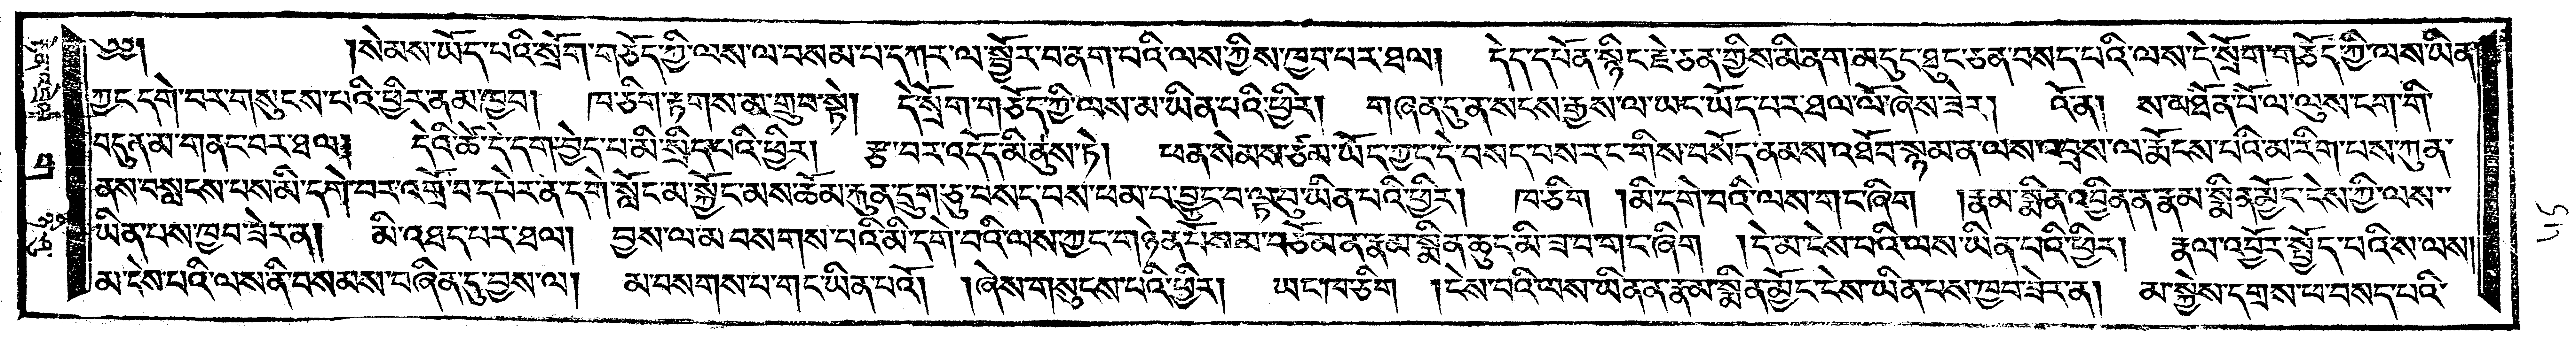༄༅། །སེམས་ཡོད་པའི་སྲོག་གཅོད་ཀྱི་ལས་ལ་བསམ་པ་དཀར་ལ་སྦྱོར་བ་ནག་པའི་ལས་ཀྱིས་ཁྱབ་པར་ཐལ། དེད་དཔོན་སྙིང་རྗེ་ཅན་གྱིས་མི་ནག་མདུང་ཐུང་ཅན་བསད་པའི་ལས་དེ་སྲོག་གཅོད་ཀྱི་ལས་ཡིན་
ཀྱང་དགེ་བར་གསུངས་པའི་ཕྱིར་ན་མ་ཁྱབ། ཁ་ཅིག་རྟགས་མ་གྲུབ་སྟེ། དེ་སྲོག་གཅོད་ཀྱི་ལས་མ་ཡིན་པའི་ཕྱིར། གཞན་དུ་ན་སངས་རྒྱས་ལ་ཡིད་ཡོད་པར་ཐལ་ལོ་ཞེས་ཟེར། འོ་ན། ས་མཐོན་པོ་ལ་ལུས་ངག་གི་
བདུན་མ་གནང་བར་ཐལ། དེའི་ཚེ་དེ་དག་བྱེད་པ་མི་སྲིད་པའི་ཕྱིར། རྩ་བར་འདོད་མི་ནུས་ཏེ། ཕན་སེམས་ཙམ་ཡོད་ཀྱང་དེ་བསོད་པས་རང་གིས་བསོད་ནམས་འཐོབ་སྙམ་ན་ལས་འབྲས་ལ་རྨོངས་པའི་མ་རིག་པས་ཀུན་
ནས་བསླངས་པས་མི་དགེ་བར་འགྲོ་བ་དཔེར་ན་དགེ་སློང་མ་སྐྱོང་མས་ཆོམ་རྐུན་དྲུག་ཅུ་བསད་པས་ཕན་པ་བྱུང་བ་ལྟ་བུ་ཡིན་པའི་ཕྱིར། ཁ་ཅིག །མི་དགེ་བའི་ལས་གང་ཞིག །རྣམ་སྨིན་འབྱིན་ན་རྣམ་སྨིན་མྱོང་ངེས་ཀྱི་ལས་
ཡིན་པས་ཁྱབ་ཟེར་ན། མི་འཐད་པར་ཐལ། བྱས་ལ་མ་བསགས་པའི་མི་དགེ་བའི་ལས་ཀྱང་གཉེན་པོས་མ་བཅོམ་ན་རྣམ་སྨིན་ཆུང་མི་ཟ་བ་གང་ཞིག །དེ་མ་ངེས་པའི་ལས་ཡིན་པའི་ཕྱིར། རྣལ་འབྱོར་སྤྱོད་པའི་ས་ལས་
མ་ངེས་པའི་ལས་ནི་བསམས་བཞིན་དུ་བྱས་ལ། མ་བསགས་པ་གང་ཡིན་པའོ། །ཞེས་གསུངས་པའི་ཕྱིར། ཡང་ཁ་ཅིག །ངེས་པའི་ལས་ཡིན་ན་རྣམ་སྨིན་མྱོང་ངེས་ཡིན་པས་ཁྱབ་ཟེར་ན། མ་སྐྱེས་དགྲས་པ་བསད་པའི་